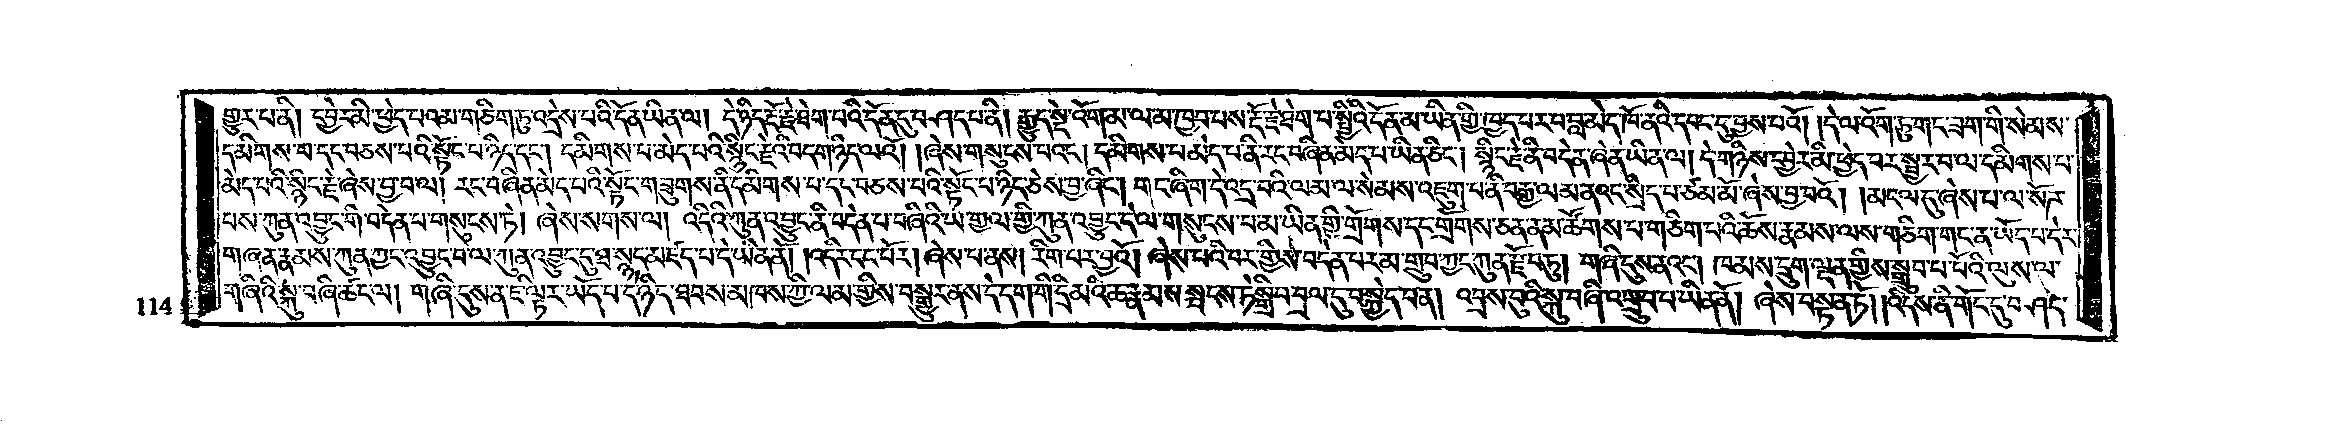གྱུར་པ་ནི། དབྱེར་མི་ཕྱེད་པའམ་གཅིག་ཏུ་འདྲེས་པའི་དོན་ཡིན་ལ། དེ་ཉིད་རྡོ་རྗེ་ཐེག་པའི་དོན་དུ་བཤད་པ་ནི། རྒྱུད་སྡེ་འོག་མ་ལ་མ་ཁྱབ་པས་རྡོ་རྗེ་ཐེག་པ་སྤྱིའི་དོན་མ་ཡིན་གྱི་ཁྱད་པར་བ་བླ་མེད་ཁོ་ནའི་དབང་དུ་བྱས་པའོ། །དེ་ལ་འོག་ཏུ་གང་ཟག་གི་སེམས་
དམིགས་པ་དང་བཅས་པའི་སྟོང་པ་ཉིད་དང་། དམིགས་པ་མེད་པའི་སྙིང་རྗེའི་བདག་ཉིད་ལའོ། །ཞེས་གསུངས་པའང་། དམིགས་པ་མེད་པ་ནི་རང་བཞིན་མེད་པ་ཡིན་ཅིང་། སྙིང་རྗེ་ནི་བདེན་ཞེན་ཡིན་ལ། དེ་གཉིས་དབྱེར་མི་ཕྱེད་པར་སྦྱར་བ་ལ་དམིགས་པ་
མེད་པའི་སྙིང་རྗེ་ཞེས་བྱ་བ་ལ། རང་བཞིན་མེད་པའི་སྟོང་གཟུགས་ནི་དམིགས་པ་དང་བཅས་པའི་སྟོང་པ་ཉིད་ཅེས་བྱ་ཞིང་། གང་ཞིག་དེ་འདྲ་བའི་ལམ་ལ་སེམས་འཇུག་པ་ནི་བརྒྱ་ལམ་ནའང་སྲིད་པ་ཙམ་མོ་ཞེས་བྱ་བའོ། །མངལ་དུ་ཞེས་པ་ལ་སོགས་
པས་ཀུན་འབྱུང་གི་བདེན་པ་གསུངས་ཏེ། ཞེས་སོགས་ལ། འདིའི་ཀུན་འབྱུང་ནི་བདེན་པ་བཞིའི་ཡ་གྱལ་གྱི་ཀུན་འབྱུང་དེ་ལ་གསུངས་པ་མ་ཡིན་གྱི་གྲོགས་དང་གྲོགས་ཅན་ནམ་ཚོགས་པ་གཅིག་པའི་ཆོས་རྣམས་ལས་གཅིག་གང་ན་ཡོད་པ་དེར་
གཞན་རྣམས་ཀུན་ཀྱང་འབྱུང་བ་ལ་ཀུན་འབྱུང་དུ་ཐ་སྙད་མཛད་པ་དེ་ཡིན་ནོ། །འདིར་དང་པོར། ཞེས་པ་ནས། རིག་པར་བྱའོ། ཞེས་པའི་བར་གྱིས་བདེན་པར་མ་གྲུབ་ཀྱང་ཀུན་རྫོབ་ཏུ། གཞི་དུས་ནའང་། ཁམས་དྲུག་ལྡན་གྱིས་སྒྲུབ་པ་པོའི་ལུས་ལ་
གཞིའི་སྐུ་བཞི་ཚང་ལ། གཞི་དུས་ན་ཇི་ལྟར་ཡོད་པ་དེ་ཉིད་ཐབས་མཁས་ཀྱི་ལམ་གྱིས་བསྒྱུར་ནས་དེ་དག་གི་དྲི་མའི་ཆ་རྣམས་སྤངས་ཏེ་སྒྲིབ་བྲལ་དུ་བསྐྱེད་པ་ན། འབྲས་བུའི་སྐུ་བཞི་འགྲུབ་པ་ཡིན་ནོ། ཞེས་བསྟན་ཏོ། །འདིས་ནི་གོང་དུ་བཤད་